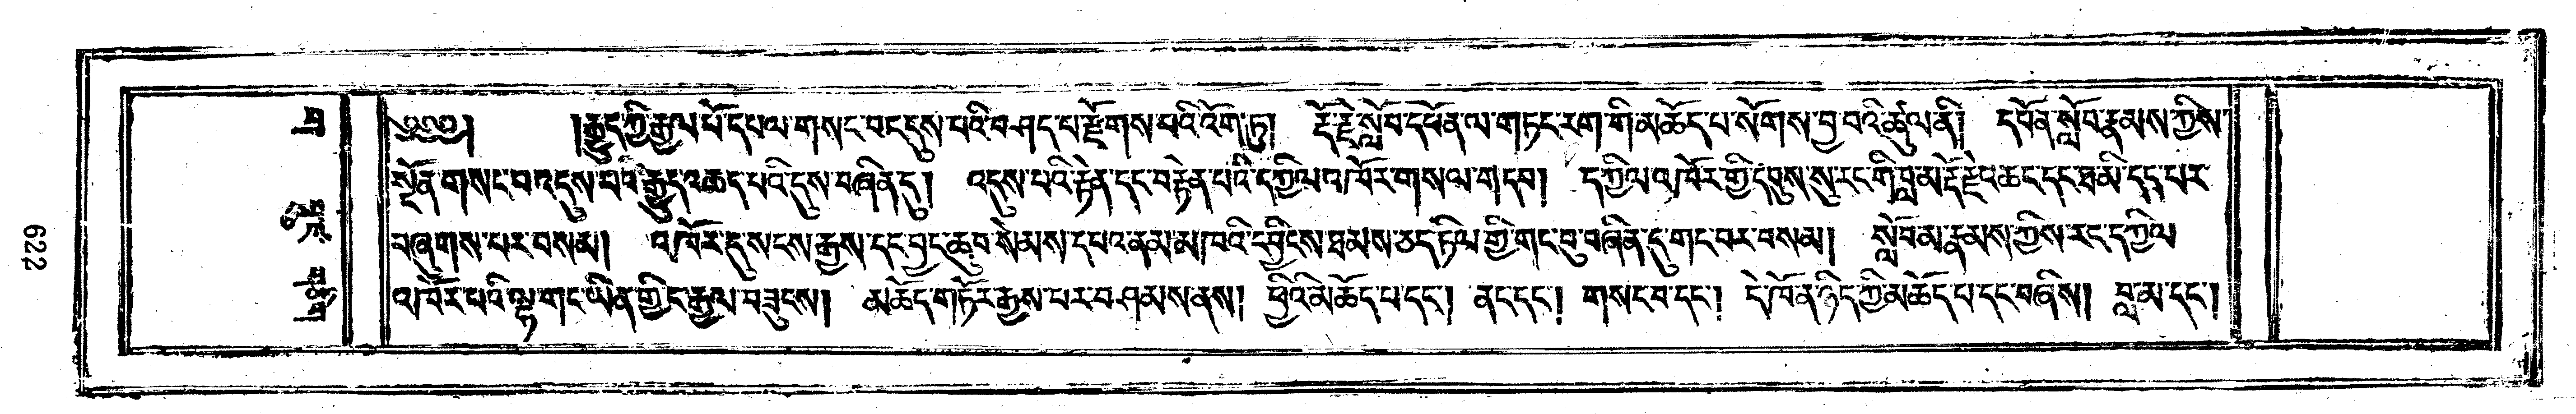༄༅། །རྒྱུད་ཀྱི་རྒྱལ་པོ་དཔལ་གསང་བང་དུས་པའི་བཤད་པ་རྫོགས་པའི་འོག་ཏུ། རྡོ་རྗེ་སློབ་དཔོན་ལ་གཏང་རག་གི་མཆོད་པ་སོགས་བྱ་བའི་ཚུལ་ནི། དཔོན་སློབ་རྣམས་ཀྱི་
སྔོན་གསང་བ་འདུས་པའི་རྒྱུད་འཆད་པའི་དུས་བཞིན་དུ། འདུས་པའི་རྟེན་དང་བརྟེན་པའི་དཀྱིལ་འཁོར་གསལ་གདབ། དཀྱིལ་འཁོར་གྱི་དབུས་སུ་རང་གི་བླ་མ་རྡོ་རྗེ་འཆང་དང་ཐ་མི་དད་པར་
བཞུགས་པར་བསམ། འཁོར་དུ་སངས་རྒྱས་དང་བྱང་ཆུབ་སེམས་དཔའ་ནམ་མཁའི་དབྱིངས་ཐམས་ཅད་ཏིལ་གྱི་གང་བུ་བཞིན་དུ་གང་བར་བསམ། སློབ་མ་རྣམས་ཀྱིས་རང་དཀྱིལ་
འཁོར་པའི་ལྷ་གང་ཡིན་གྱི་ང་རྒྱལ་བཟུངས། མཆོད་གཏོར་རྒྱས་པར་བཤམས་ནས། ཕྱིའི་མཆོད་པ་དང་། ནང་དང་། གསང་བ་དང་། དེ་ཁོ་ན་ཉིད་ཀྱི་མཆོད་པ་དང་བཞིས། བླ་མ་དང་།